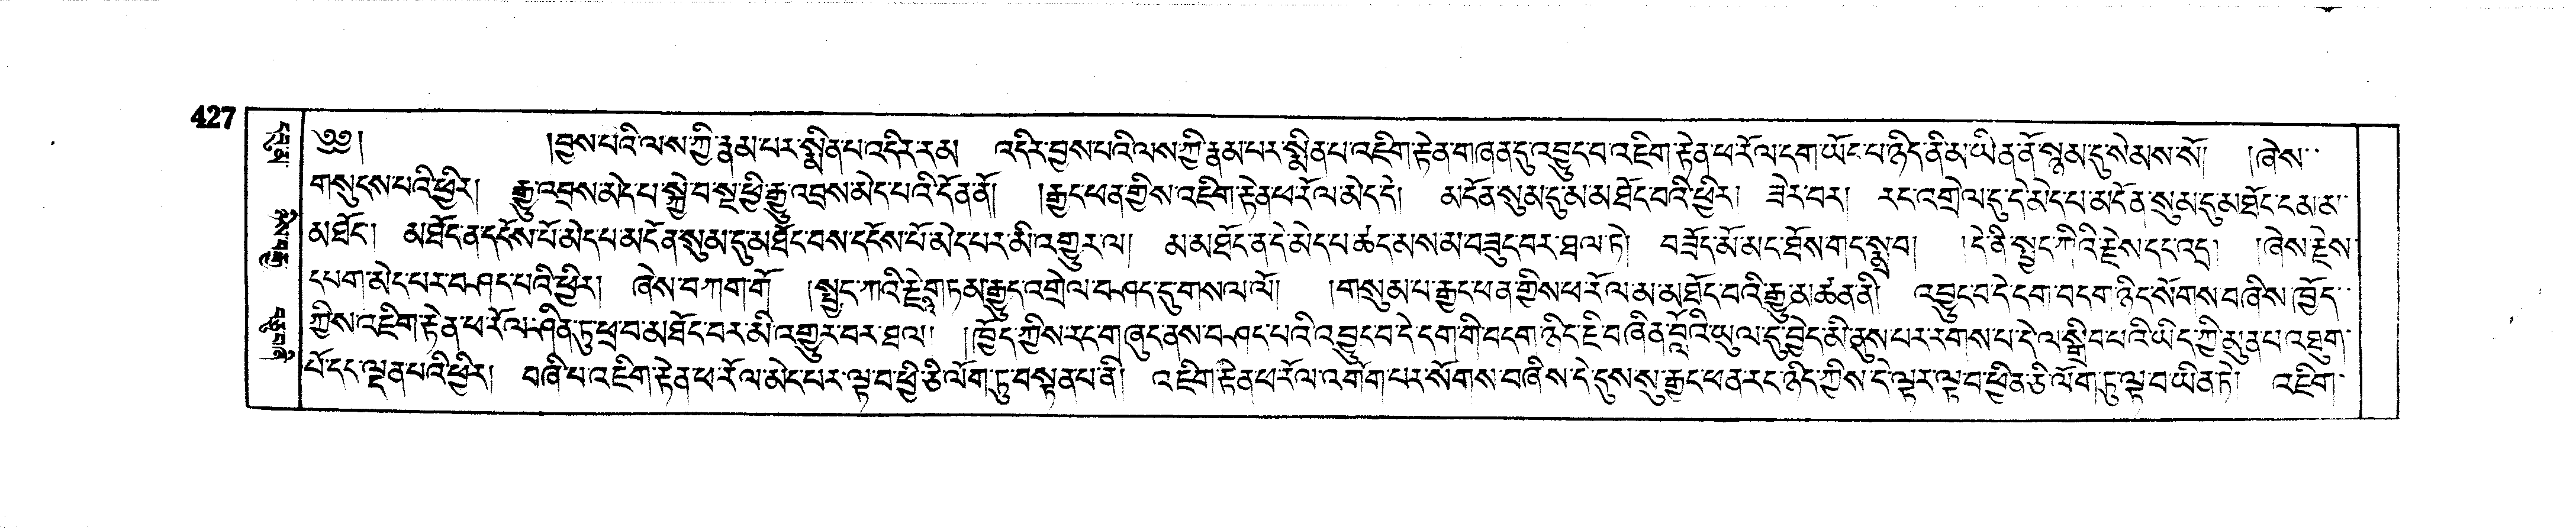༄༅། །བྱས་པའི་ལས་ཀྱི་རྣམ་པར་སྨིན་པ་འདིར་རམ། འདིར་བྱས་པའི་ལས་ཀྱི་རྣམ་པར་སྨིན་པ་འཇིག་རྟེན་གཞན་དུ་འབྱུང་བ་འཇིག་རྟེན་ཕ་རོལ་དག་ཡོང་པ་ཉིད་ནི་མ་ཡིན་ནོ་སྙམ་དུ་སེམས་སོ། །ཞེས་
གསུངས་པའི་ཕྱིར། རྒྱུ་འབྲས་མེད་པ་སྐྱེ་བ་སྔ་ཕྱི་རྒྱུ་འབྲས་མེད་པའི་དོན་ནོ། །རྒྱང་ཕན་གྱིས་འཇིག་རྟེན་ཕ་རོལ་མེད་དེ། མངོན་སུམ་དུ་མ་མཐོང་བའི་ཕྱིར། ཟེར་བར། རང་འགྲེལ་དུ་དེ་མེད་པ་མངོན་སུམ་དུ་མཐོང་ངམ་མ་
མཐོང་། མཐོང་ན་དངོས་པོ་མེད་པ་མངོན་སུམ་དུ་མཐོང་བས་དངོས་པོ་མེད་པར་མི་འགྱུར་ལ། མ་མཐོང་ན་དེ་མེད་པ་ཚད་མས་མ་བཟུང་བར་ཐལ་ཏེ། བཟོད་མོ་མང་ཐོས་གང་སྨྲ་བ། །དེ་ནི་སྤྱང་ཀིའི་རྗེས་དང་འདྲ། །ཞེས་རྗེས་
དཔག་མེད་པར་བཤད་པའི་ཕྱིར། ཞེས་བཀག་གོ །སྤྱང་ཀའི་རྗེའི་གཏམ་རྒྱུད་འགྲེལ་བཤད་དུ་གསལ་ལོ། །གསུམ་པ་རྒྱང་ཕན་གྱིས་ཕ་རོལ་མ་མཐོང་བའི་རྒྱུ་མཚན་ནི། འབྱུང་བ་དེ་དག་བདག་ཉིད་སོགས་བཞིས་ཁྱོད་
ཀྱིས་འཇིག་རྟེན་ཕ་རོལ་ཤིན་ཏུ་ཕྲ་བ་མཐོང་བར་མི་འགྱུར་བར་ཐལ། །ཁྱོད་ཀྱིས་རང་གཞུང་ནས་བཤད་པའི་འབྱུང་བ་དེ་དག་གི་བདག་ཉིད་ཇི་བཞིན་བློའི་ཡུལ་དུ་བྱེད་མི་ནུས་པར་རགས་པ་དེ་ལ་སྒྲིབ་པའི་ཡིད་ཀྱི་མུན་པ་འཐུག་
པོ་དང་ལྡན་པའི་ཕྱིར། བཞི་པ་འཇིག་རྟེན་ཕ་རོལ་མེད་པར་ལྟ་བ་ཕྱི་ཅི་ལོག་ཏུ་བསྟན་པ་ནི། འཇིག་རྟེན་ཕ་རོལ་འགོག་པར་སོགས་བཞིས་དེ་དུས་སུ་རྒྱང་ཕན་རང་ཉིད་ཀྱིས་དེ་ལྟར་ལྟ་བ་ཕྱིན་ཅི་ལོག་ཏུ་ལྟ་བ་ཡིན་ཏེ། འཇིག་